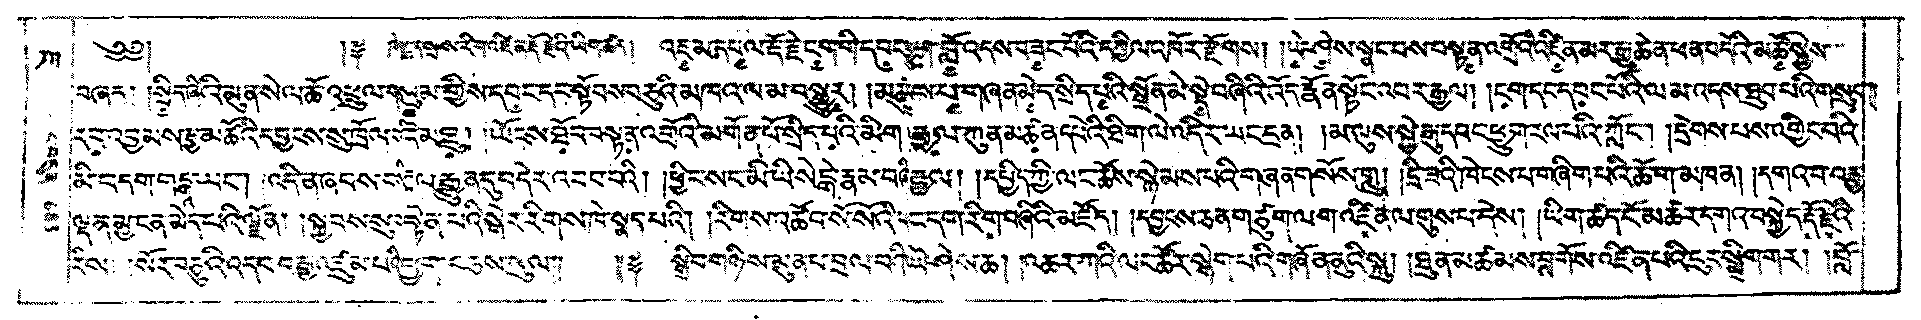༄༅། །༈ ཁེ་སྨད་སྲས་རིག་འཛིན་རྡོ་རྗེའི་ཡིག་ཚད།  འཇམ྾་དཔལ྾་རྡོ་རྗེ་ངག྾་གི་དབང྾་ཕྱུག་བློ྾་འདས་བཟང྾་པོའི་དཀྱིལ་འཁོར་རྫོགས། །ཡེ྾་ཤེས྾་སྣང་བས་བསྟན྾་འགྲོའི་འཛིན྾་མར་རྒྱ྾་ཆེན་ཕན་བདེའི་མཚོ྾་སྐྱེས་
བཞད། །སྲིད྾་ཞིའི་མུན་སེལ་ཆོ་འཕྲུལ་གསུམ྾་གྱིས་དབང྾་དང་སྟོབས་བཅུའི་མཁའ་ལམ་བསྒྱུར྾། །མཚུངས྾་པ྾་གཞན་མེད྾་སྲིད་པའི྾་སྒྲོན་མེ་སྡེ྾་བཞིའི་འོད་རྣོན་སྟོང་འབར་རྒྱལ། །ངག྾་དང་དབང྾་པོའི་ལམ་འདས་ཐུབ་པའི་གསུང྾། །
རབ྾་འབྱམས་རྒྱ་མཚོའི་དབྱངས་སུ་ཁྲོལ་བའི་མཐུ྾། །ཡོངས་ཐོབ྾་བསྟན྾་འགྲོའི་མགོན་པོ་སྲིད་པའི྾་མིག །རྒྱལ྾་ཀུན་མཚན྾་དཔེའི་ཐིག་ལེ་འདིར་ཡང་དྲན། །མ་ལུས་སྐྱེ་རྒུ་དབང་ཕྱུག་རལ་པའི་ཀློང་། །དྲེགས་པས་འགྱིང་བའི་
མི་བདག་གངྒཱ་ཡང་། །འདི་ན་ཞབས་བསིལ་རྒྱུན་དུ་བདེར་འབབ་པའི། །ཕྱིང་སང་མི་ཡི་སེངྒེ་རྣམ་བཞི་རྒྱལ། །དཔྱིད་ཀྱི་ལང་ཚོས་སྙེམས་པའི་གཞན་གསོས་གླུ། །དྲི་ཟའི་ཁེངས་པ་གཞིག་པའི་ཆོ་ག་མཁན། །དགའ་བ་བརྒྱ་
ལྡན་མྱ་ངན་མེད་པའི་ལྗོན། །སྐྱབས་སུ་བསྟེན་པའི་སྒེར་རིགས་ཁེ་སྨད་པའི། །རིགས་འཚོབ་སོ་སོའི་ཡང་དག་རིག་྾་བཞིའི་མཛོད། །དབྱངས་ཅན་གཙུག་ལག་འཛིན་྾་ལ་གུས་པ་དེས། །ཡིག་ཚད་ངོ་མཚར་དགའ་བསྐྱེད་རྡོ་྾་རྗེའི་྾་
རིས། །སོར་བཅུའི་འདབ་བརྒྱ་འཛུམ་པའི་ཕྱག་བཅས་ཕུལ།། །།༈ སྒྲིབ་གཉིས་མུན་པ་བྲལ་བའི་ཡེ་ཤེས་ཆ། །འཆར་ཀའི་ལང་ཚོར་སྒེག་པའི་གཞོན་ནུའི་སྐུ། །ཐུན་མཚམས་བླ་གོས་འཛིན་པའི་ངུར་སྨྲིག་གར། །བློ་